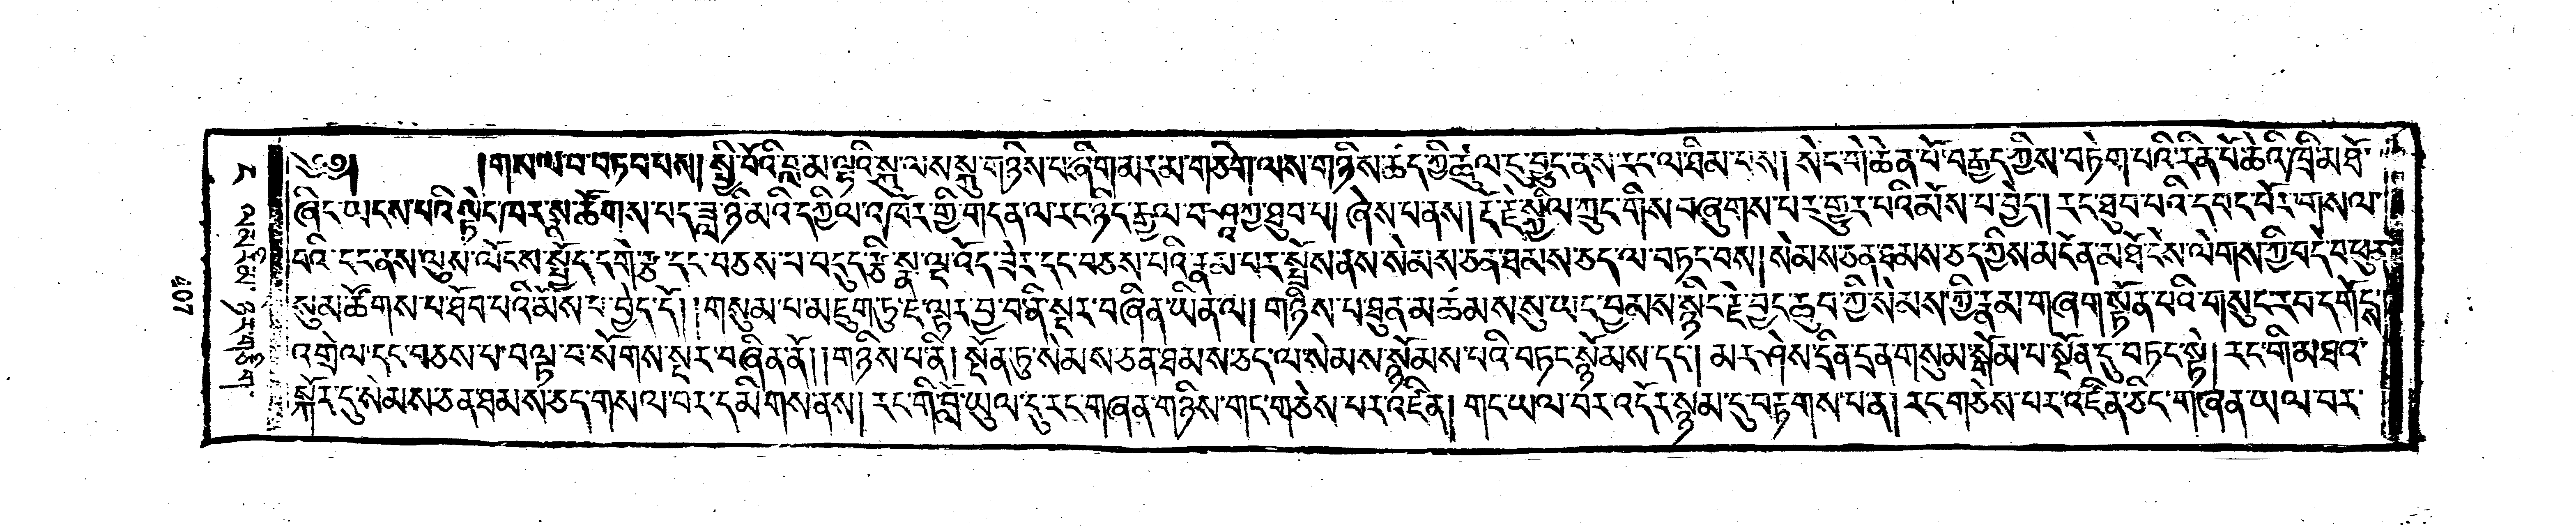༄༅། །གསོལ་བ་བཏབ་པས། སྤྱི་བོའི་བླ་མ་ལྷའི་སྐུ་ལས་སྐུ་གཉིས་པ་ཞིག་མར་མེ་གཅིག་ལས་གཉིས་ཚད་ཀྱི་ཚུལ་དུ་བྱུང་ནས་རང་ལ་ཐིམ་པས། སེང་གེ་ཆེན་པོ་བརྒྱད་ཀྱིས་བཏེག་པའི་རིན་པོ་ཆེའི་ཁྲི་མཐོ་
ཞིང་ཡངས་པའི་སྟེང་ཁར་སྣ་ཚོགས་པད་ཟླ་ཉི་མའི་དཀྱིལ་འཁོར་གྱི་གདན་ལ་རང་ཉིད་རྒྱལ་བ་ཤཱཀྱ་ཐུབ་པ། ཞེས་པ་ནས། རྡོ་རྗེ་སྐྱིལ་ཀྲུང་གིས་བཞུགས་པར་གྱུར་པའི་མོས་པ་བྱེད། རང་ཐུབ་པའི་དབང་པོར་གསལ་
བའི་ངང་ནས་ལུས་ལོངས་སྤྱོད་དགེ་རྩ་དང་བཅས་པ་བདུད་རྩི་སྣ་ལྔ་འོད་ཟེར་དང་བཅས་པའི་རྣམ་པར་སྤྲོས་ནས་སེམས་ཅན་ཐམས་ཅད་ལ་བཏང་བས། སེམས་ཅན་ཐམས་ཅད་ཀྱིས་མངོན་མཐོ་ངེས་ལེགས་ཀྱི་བདེ་བ་ཕུན་
སུམ་ཚོགས་པ་ཐོབ་པའི་མོས་པ་བྱེད་དོ། །གསུམ་པ་མཇུག་ཏུ་ཇི་ལྟར་བྱ་བ་ནི་སྔར་བཞིན་ཡིན་ལ། གཉིས་པ་ཐུན་མཚམས་སུ་ཡང་བྱམས་སྙིང་རྗེ་བྱང་ཆུབ་ཀྱི་སེམས་ཀྱི་རྣམ་གཞག་སྟོན་པའི་གསུང་རབ་དགོངས་
འགྲེལ་དང་བཅས་པ་བལྟ་བ་སོགས་སྔར་བཞིན་ནོ། །གཉིས་པ་ནི། སྔོན་ཏུ་སེམས་ཅན་ཐམས་ཅད་ལ་སེམས་སྙོམས་པའི་བཏང་སྙོམས་དང་། མར་ཤེས་དྲིན་དྲན་གསུམ་སྒོམ་པ་སྔོན་དུ་བཏང་སྟེ། རང་གི་མཐའ་
སྐོར་དུ་སེམས་ཅན་ཐམས་ཅད་གསལ་བར་དམིགས་ནས། རང་གི་བློ་ཡུལ་དུ་རང་གཞན་གཉིས་གང་གཅེས་པར་འཛིན། གང་ཡལ་བར་འདོར་སྙམ་དུ་བརྟགས་པ་ན། རང་གཅེས་པར་འཛིན་ཅིང་གཞན་ཡལ་བར་